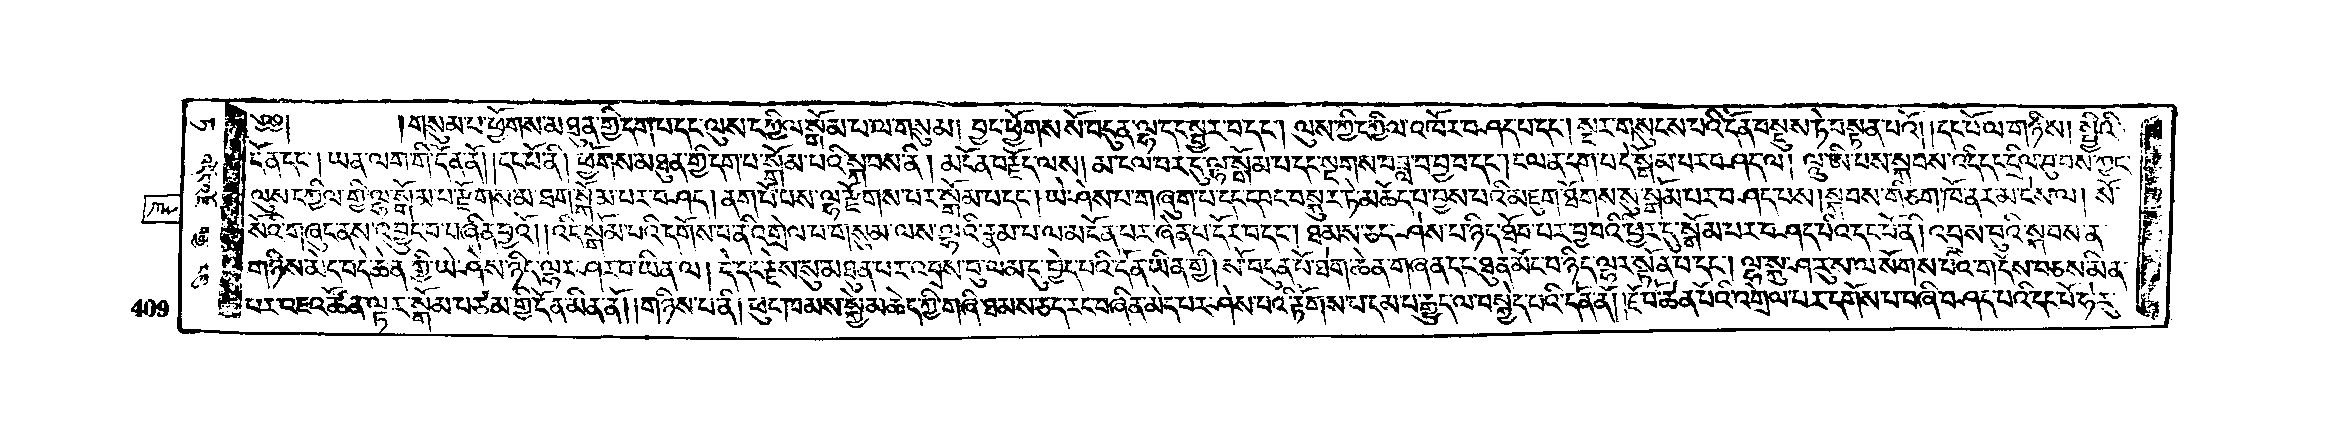༄༅། །གསུམ་པ་ཕྱོགས་མཐུན་གྱི་དག་པ་དང་ལུས་དཀྱིལ་སྒོམ་པ་ལ་གསུམ། བྱང་ཕྱོགས་སོ་བདུན་ལྷ་དང་སྦྱར་བ་དང་། ལུས་ཀྱི་དཀྱིལ་འཁོར་བཤད་པ་དང་། སྔར་གསུངས་པའི་དོན་བསྡུས་ཏེ་བསྟན་པའོ། །དང་པོ་ལ་གཉིས། སྤྱིའི་
དོན་དང་། ཡན་ལག་གི་དོན་ནོ། །དང་པོ་ནི། ཕྱོགས་མཐུན་གྱི་དག་པ་སྒོམ་པའི་སྐབས་ནི། མངོན་བརྗོད་ལས། མ་ངལ་བར་དུ་ལྷ་སྒོམ་པ་དང་སྔགས་བཟླ་བ་བྱ་བ་དང་། ངལ་ན་དག་པ་དེ་སྒོམ་པར་བཤད་ལ། ལཱུ་ཨི་པས་སྐབས་འདི་དང་དྲིལ་བུ་པས་ཀྱང་
ལུས་དཀྱིལ་གྱི་ལྷ་སྒོམ་པ་རྫོགས་མ་ཐག་སྒོམ་པར་བཤད། ནག་པོ་པས་ལྷ་རྫོགས་པར་སྒོམ་པ་དང་། ཡེ་ཤེས་པ་གཞུག་པ་དང་དབང་བསྐུར་ཏེ་མཆོད་པ་བྱས་པའི་མཇུག་ཐོགས་སུ་སྒོམ་པར་བཤད་པས། སྐབས་གཅིག་ཁོ་ནར་མ་ངེས་ལ། སོ་
སོའི་གཞུང་ནས་འབྱུང་བ་བཞིན་བྱའོ། །འདི་སྒོམ་པའི་དགོས་པ་ནི་འགྲེལ་པ་གསུམ་ལས་ལྷའི་རྣམ་པ་ལ་མངོན་པར་ཞེན་པ་དོར་བ་དང་། ཐམས་ཅད་ཤེས་པ་ཉིད་ཐོབ་པར་བྱ་བའི་ཕྱིར་དུ་སྒོམ་པར་བཤད་པའི་དང་པོ་ནི། འབྲས་བུའི་སྐབས་ན་
གཉིས་མེད་བདེ་ཆེན་གྱི་ཡེ་ཤེས་ཉིད་ལྷར་ཤར་བ་ཡིན་ལ། དེ་དང་རྗེས་སུ་མཐུན་པར་འབྲས་བུ་ལམ་དུ་བྱེད་པའི་དོན་ཡིན་གྱི། སོ་བདུན་པོ་ཐེག་ཆེན་གཞན་དང་ཐུན་མོང་བ་ཉིད་ལྷར་སྟོན་པ་དང་། ལྷ་སྐུ་ཤ་རུས་ལ་སོགས་པའི་གདོས་བཅས་མིན་
པར་འཇའ་ཚོན་ལྟར་སྒོམ་པ་ཙམ་གྱི་དོན་མིན་ནོ། །གཉིས་པ་ནི། ཕུང་ཁམས་སྐྱེ་མཆེད་ཀྱི་གཞི་ཐམས་ཅད་རང་བཞིན་མེད་པར་ཤེས་པའི་རྟོགས་པ་དམ་པ་རྒྱུད་ལ་བསྐྱེད་པའི་དོན་ནོ། །ཇོ་བོ་ཆེན་པོའི་འགྲེལ་པར་དགོས་པ་བཞི་བཤད་པའི་དང་པོ་ཧེ་རུ་